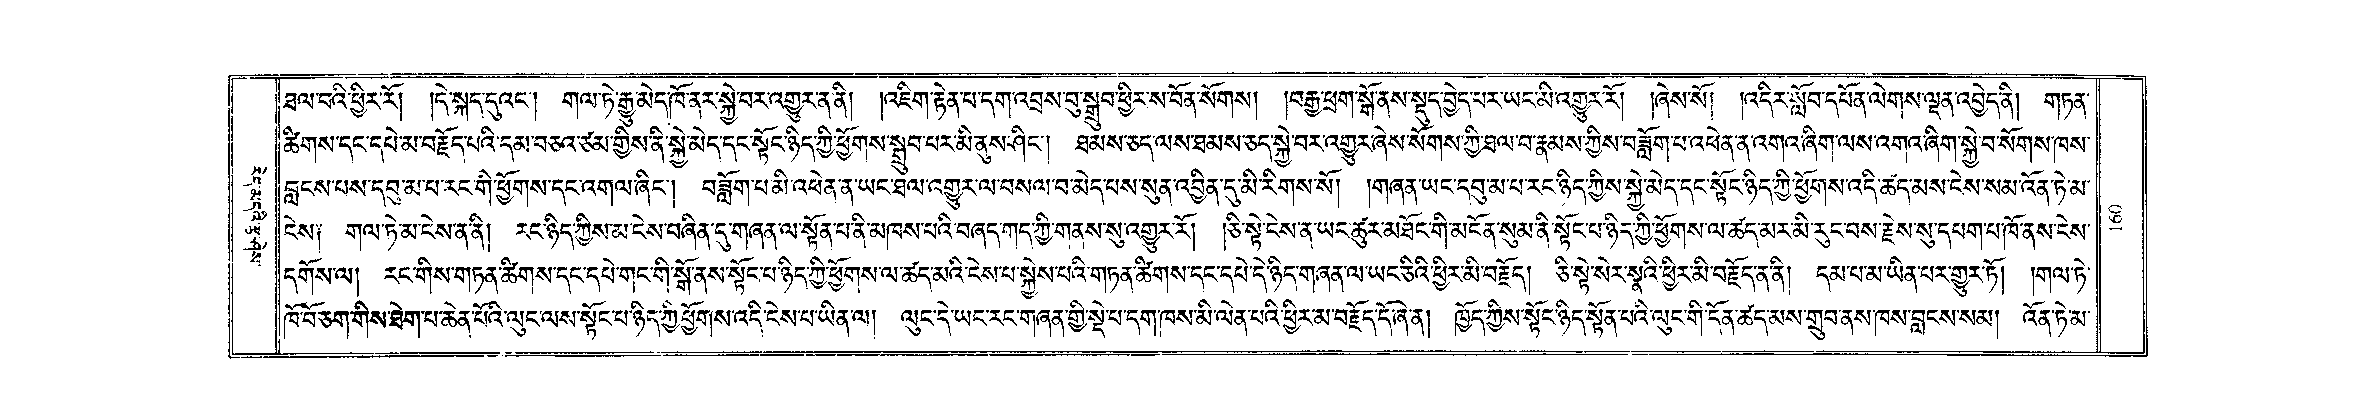ཐལ་བའི་ཕྱིར་རོ། །དེ་སྐད་དུའང་། གལ་ཏེ་རྒྱུ་མེད་ཁོ་ནར་སྐྱེ་བར་འགྱུར་ན་ནི། །འཇིག་རྟེན་པ་དག་འབྲས་བུ་སྒྲུབ་ཕྱིར་ས་བོན་སོགས། །བརྒྱ་ཕྲག་སྒོ་ནས་སྡུད་བྱེད་པར་ཡང་མི་འགྱུར་རོ། །ཞེས་སོ། །འདིར་སློབ་དཔོན་ལེགས་ལྡན་འབྱེད་ནི། གཏན་
ཚིགས་དང་དཔེ་མ་བརྗོད་པའི་དམ་བཅའ་ཙམ་གྱིས་ནི་སྐྱེ་མེད་དང་སྟོང་ཉིད་ཀྱི་ཕྱོགས་སྒྲུབ་པར་མི་ནུས་ཤིང་། ཐམས་ཅད་ལས་ཐམས་ཅད་སྐྱེ་བར་འགྱུར་ཞེས་སོགས་ཀྱི་ཐལ་བ་རྣམས་ཀྱིས་བཟློག་པ་འཕེན་ན་འགའ་ཞིག་ལས་འགའ་ཞིག་སྐྱེ་བ་སོགས་ཁས་
བླངས་པས་དབུ་མ་པ་རང་གི་ཕྱོགས་དང་འགལ་ཞིང་། བཟློག་པ་མི་འཕེན་ན་ཡང་ཐལ་འགྱུར་ལ་བསལ་བ་མེད་པས་སུན་འབྱིན་དུ་མི་རིགས་སོ། །གཞན་ཡང་དབུ་མ་རང་ཉིད་ཀྱིས་སྐྱེ་མེད་དང་སྟོང་ཉིད་ཀྱི་ཕྱོགས་འདི་ཚད་མས་ངེས་སམ་འོན་ཏེ་མ་
ངེས༑ གལ་ཏེ་མ་ངེས་ན་ནི། རང་ཉིད་ཀྱིས་མ་ངེས་བཞིན་དུ་གཞན་ལ་སྟོན་པ་ནི་མཁས་པའི་བཞད་གད་ཀྱི་གནས་སུ་འགྱུར་རོ། །ཅི་སྟེ་ངེས་ན་ཡང་ཚུར་མཐོང་གི་མངོན་སུམ་ནི་སྟོང་པ་ཉིད་ཀྱི་ཕྱོགས་ལ་ཚད་མར་མི་རུང་བས་རྗེས་སུ་དཔག་པ་ཁོ་ནས་ངེས་
དགོས་ལ། རང་གིས་གཏན་ཚིགས་དང་དཔེ་གང་གི་སྒོ་ནས་སྟོང་པ་ཉིད་ཀྱི་ཕྱོགས་ལ་ཚད་མའི་ངེས་པ་སྐྱེས་པའི་གཏན་ཚིགས་དང་དཔེ་དེ་ཉིད་གཞན་ལ་ཡང་ཅིའི་ཕྱིར་མི་བརྗོད། ཅི་སྟེ་སེར་སྣའི་ཕྱིར་མི་བརྗོད་ན་ནི། དམ་པ་མ་ཡིན་པར་གྱུར་ཏོ། །གལ་ཏེ་
ཁོ་བོ་ཅག་གིས་ཐེག་པ་ཆེན་པོའི་ལུང་ལས་སྟོང་པ་ཉིད་ཀྱི་ཕྱོགས་འདི་ངེས་པ་ཡིན་ལ། ལུང་དེ་ཡང་རང་གཞན་གྱི་སྡེ་པ་དག་ཁས་མི་ལེན་པའི་ཕྱིར་མ་བརྗོད་དོ་ཞེ་ན། ཁྱོད་ཀྱིས་སྟོང་ཉིད་སྟོན་པའི་ལུང་གི་དོན་ཚད་མས་གྲུབ་ནས་ཁས་བླངས་སམ། འོན་ཏེ་མ་